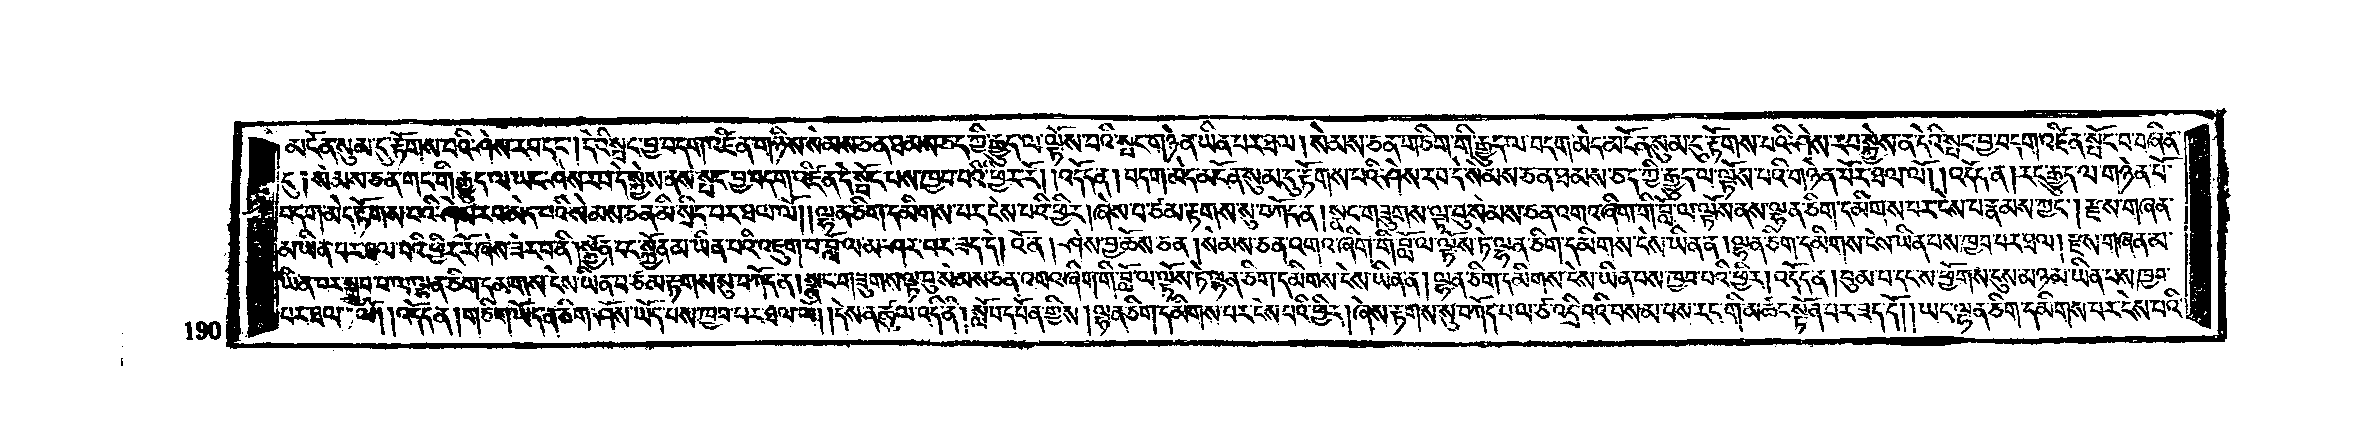མངོན་སུམ་དུ་རྟོགས་པའི་ཤེས་རབ་དང་། དེའི་སྤང་བྱ་བདག་འཛིན་གཉིས་སེམས་ཅན་ཐམས་ཅད་ཀྱི་རྒྱུད་ལ་ལྟོས་པའི་སྤང་གཉེན་ཡིན་པར་ཐལ། སེམས་ཅན་གཅིག་གི་རྒྱུད་ལ་བདག་མེད་མངོན་སུམ་དུ་རྟོགས་པའི་ཤེས་རབ་སྐྱེས་ན་དེའི་སྤང་བྱ་བདག་འཛིན་སྤོང་བ་བཞིན་
དུ༑ སེམས་ཅན་གང་གི་རྒྱུད་ལ་ཡང་ཤེས་རབ་དེ་སྐྱེས་ནས་སྤང་བྱ་བདག་འཛིན་དེ་སྤོང་བས་ཁྱབ་པའི་ཕྱིར་རོ། །འདོད་ན། བདག་མེད་མངོན་སུམ་དུ་རྟོགས་པའི་ཤེས་རབ་དེ་སེམས་ཅན་ཐམས་ཅད་ཀྱི་རྒྱུད་ལ་ལྟོས་པའི་གཉེན་པོར་ཐལ་ལོ། །འདོད་ན། རང་རྒྱུད་ལ་གཉེན་པོ་
བདག་མེད་རྟོགས་པའི་ཤེས་རབ་མེད་པའི་སེམས་ཅན་མི་སྲིད་པར་ཐལ་ལོ། །ལྷན་ཅིག་དམིགས་པར་ངེས་པའི་ཕྱིར། ཞེས་པ་ཙམ་རྟགས་སུ་བཀོད་ན། སྣང་གཟུགས་ལྟ་བུ་སེམས་ཅན་འགའ་ཞིག་གི་བློ་ལ་ལྟོས་ནས་ལྷན་ཅིག་དམིགས་པར་ངེས་པ་རྣམས་ཀྱང་། རྫས་གཞན་
མ་ཡིན་པར་ཐལ་བའི་ཕྱིར་རོ་ཞེས་ཟེར་བ་ནི། སྐྱོན་དང་སྐྱོན་མ་ཡིན་པའི་འཇུག་པ་བློ་ལ་མ་ཤར་བར་ཟད་དེ། འོ་ན། ཤེས་བྱ་ཆོས་ཅན། སེམས་ཅན་འགའ་ཞིག་གི་བློ་ལ་ལྟོས་ཏེ་ལྷན་ཅིག་དམིགས་ངེས་ཡིན་ན། ལྷན་ཅིག་དམིགས་ངེས་ཡིན་པས་ཁྱབ་པར་ཐལ། རྫས་གཞན་མ་
ཡིན་པར་སྒྲུབ་པ་ལ་ལྷན་ཅིག་དམིགས་ངེས་ཡིན་པ་ཙམ་རྟགས་སུ་བཀོད་ན། སྣང་གཟུགས་ལྟ་བུ་སེམས་ཅན་འགའ་ཞིག་གི་བློ་ལ་ལྟོས་ཏེ་ལྷན་ཅིག་དམིགས་ངེས་ཡིན་ན། ལྷན་ཅིག་དམིགས་ངེས་ཡིན་པས་ཁྱབ་པའི་ཕྱིར། འདོད་ན། བུམ་པ་དང་ས་ཕྱོགས་དུས་མཉམ་ཡིན་པས་ཁྱབ་
པར་ཐལ་ལོ། །འདོད་ན། གཅིག་ཡོད་ན་ཅིག་ཤོས་ཡོད་པས་ཁྱབ་པར་ཐལ་ལོ། །དེས་ན་ཚུལ་འདི་ནི། སློབ་དཔོན་གྱིས། ལྷན་ཅིག་དམིགས་པར་ངེས་པའི་ཕྱིར། ཞེས་རྟགས་སུ་བཀོད་པ་ལ་ཙ་འདྲི་བའི་བསམ་པས་རང་གི་མཚང་སྟོན་པར་ཟད་དོ། །ཡང་ལྷན་ཅིག་དམིགས་པར་ངེས་པའི་